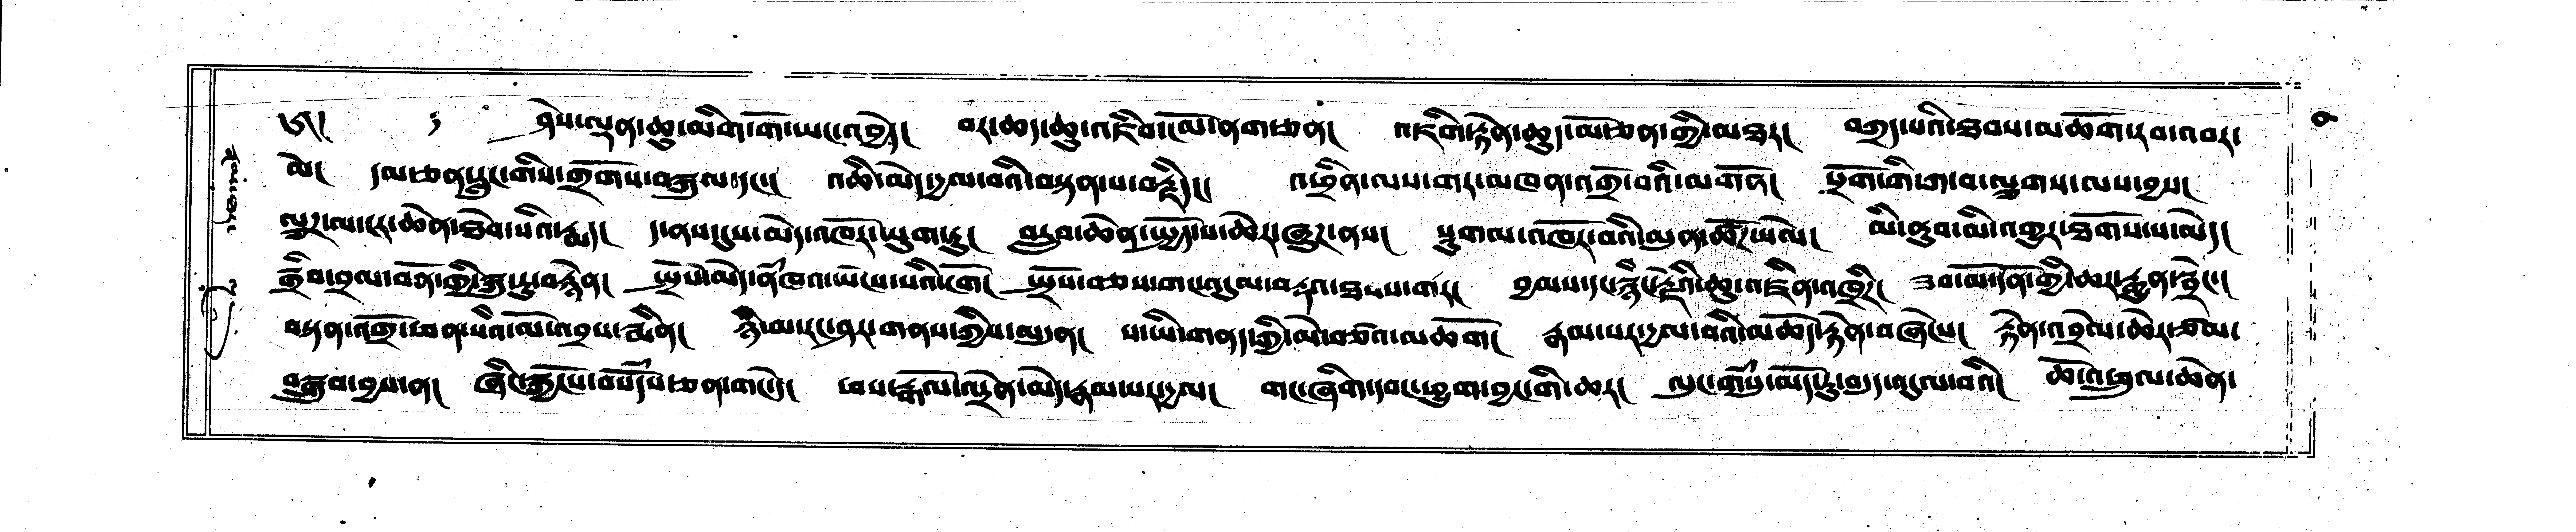ཤེས་ལྡན་ཆུ་མིག་གོ་ཡང་འབྱེད། བར་ཆད་ཆུ་འཇིབ་ངོམ་ནག་ཅན། འཇིག་རྟེན་ཆུད་མོ་ཅན་གྱི་མཐར། བཀྲད་པའི་ཐབས་མཆོག་རབ་འབར་
མོ། དམ་ཅན་རླུང་གིས་གྲོགས་བསྐུལ་དང་། འཆི་མེད་རྒྱལ་བའི་བསྟན་པ་བརྗིད། འཕྲིན་ལས་གར་མཁན་འགྲོ་བའི་མགོན། སྲོག་གི་ཀ་བ་ལྕགས་ལས་བྱས། 
ལྕགས་ལ་ངར་ཆེན་ཐེབས་པའི་རྨད། ད་ནས་དུས་མེད་འཁོར་ཡུག་ཏུ། རླབས་ཆེན་སྤྱོད་པ་ཆེར་ཞུགས་ནས། སྡུག་བསྔལ་འཁོར་བའི་མུན་ཚོགས་སེལ། མི་ནུབ་མི་འགྱུར་ཐོགས་པ་མེད།
 སྒྲིབ་བྲལ་བོན་གྱི་སྐུ་ལ་བརྙན། སྤྲོས་མེད་ནམ་མཁའ་ཡངས་པའི་ངོགས། སྤྲོས་བཅས་གང་འདུལ་བརྡ་ཐབས་གར། བྱམས་དང་སྙིང་རྗེའི་ཆུ་འཛིན་འཁྲིགས། ཟབ་མོ་དོན་གྱི་ཆར་རྒྱུན་སྦྲེང་། 
བསྟན་འགྲོ་ཕན་པའི་ལོ་འབྲས་སྨིན། ཉི་མ་རང་ཤྲ་གནས་ཀྱི་མདུན། ས་ཡི་གནད་ཀྱི་མེ་བཙའ་མཆོག རྣམ་པར་རྒྱལ་བའི་མཆོད་རྟེན་བཞེངས། རྟེན་འབྲེལ་ཆེར་ཙམ་
བསྒྲུབ་བྱས་ན། ཞིང་སྐྱོང་བསོད་ནམས་ཅན་གང་དེ། ཕས་རྒོལ་འདྲེན་མེད་རྣམ་པར་རྒྱལ། གང་ཞིག་དབང་ཕྱུག་བྱང་གི་ཆར། ལུང་གསུམ་མདོ་རུ་བདུད་འདུལ་བའི། ཆོ་འཕྲུལ་ཆེན་